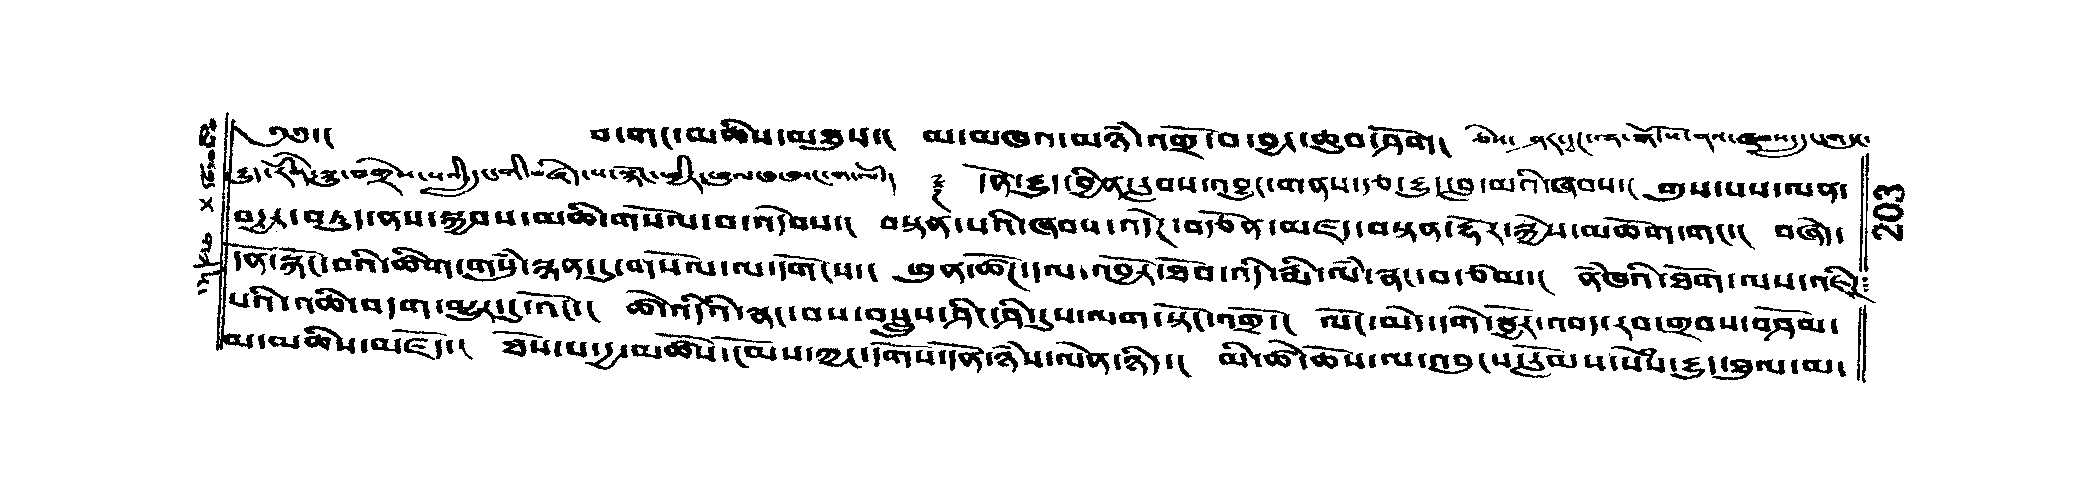བ་གང་མཆིས་མཐུས། །མ་མཁའ་མཉམ་འགྲོ་བ་བྱང་ཆུབ་ཤོག ཅེས་ཤར་དྭགས་ལྷ་སྒམ་པོ་ནས་ཞབས་དྲུང་གདུང་
རྒྱུད་རིན་ཆེན་སྐུ་བགྲེས་པའི་དྲུང་གི་བཞེད་པ་སྐོང་ཕྱིར་ཕུལ་བ་མངྒ་ལཾ།། ༈ དོན་རྒྱུད་བྱིན་རླབས་འབྱུང་གནས་རྩ་རྒྱུད་བླ་མའི་ཞབས། །གུས་པས་ལན་
བརྒྱར་བཏུད་ནས་སྐྱབས་མཆི་གསོལ་བ་འདེབས། །བསྟན་པའི་ཞབས་འདེགས་བརྩོན་མཛད་བསྟན་རྡོར་སྐྱེས་མཆོག་གང་། །བཞེད་
དོན་སྐོང་བའི་ཚིག་གསུམ་སྙན་དུ་གསོལ་བ་དགོངས། །ཕུན་ཚོགས་དལ་འབྱོར་ཐོབ་འདི་རྨི་ལམ་སྣང་བ་ཙམ། །ནམ་མཁའི་ཐོག་ལས་འཇིགས་
པའི་འཆི་བདག་མྱུར་དུ་འོང་། །ཚེ་འདིའི་སྣང་བས་བསླུས་ཤིང་ཤི་དུས་ལག་སྟོང་འགྲོ། །ལོང་མེད་དགེ་སྦྱོར་འབད་རབ་གྲབས་བཤོམ་
མ་མཆིས་མཛོད། །ཐོས་པ་རྒྱ་མཚོས་ངོམས་ཀྱང་དགོས་དོན་ཉམས་ལེན་ཉིད། །མི་ཚེ་ཆོས་ལ་འབུངས་རློམས་སེམས་རྒྱུད་ཐུལ་མ་